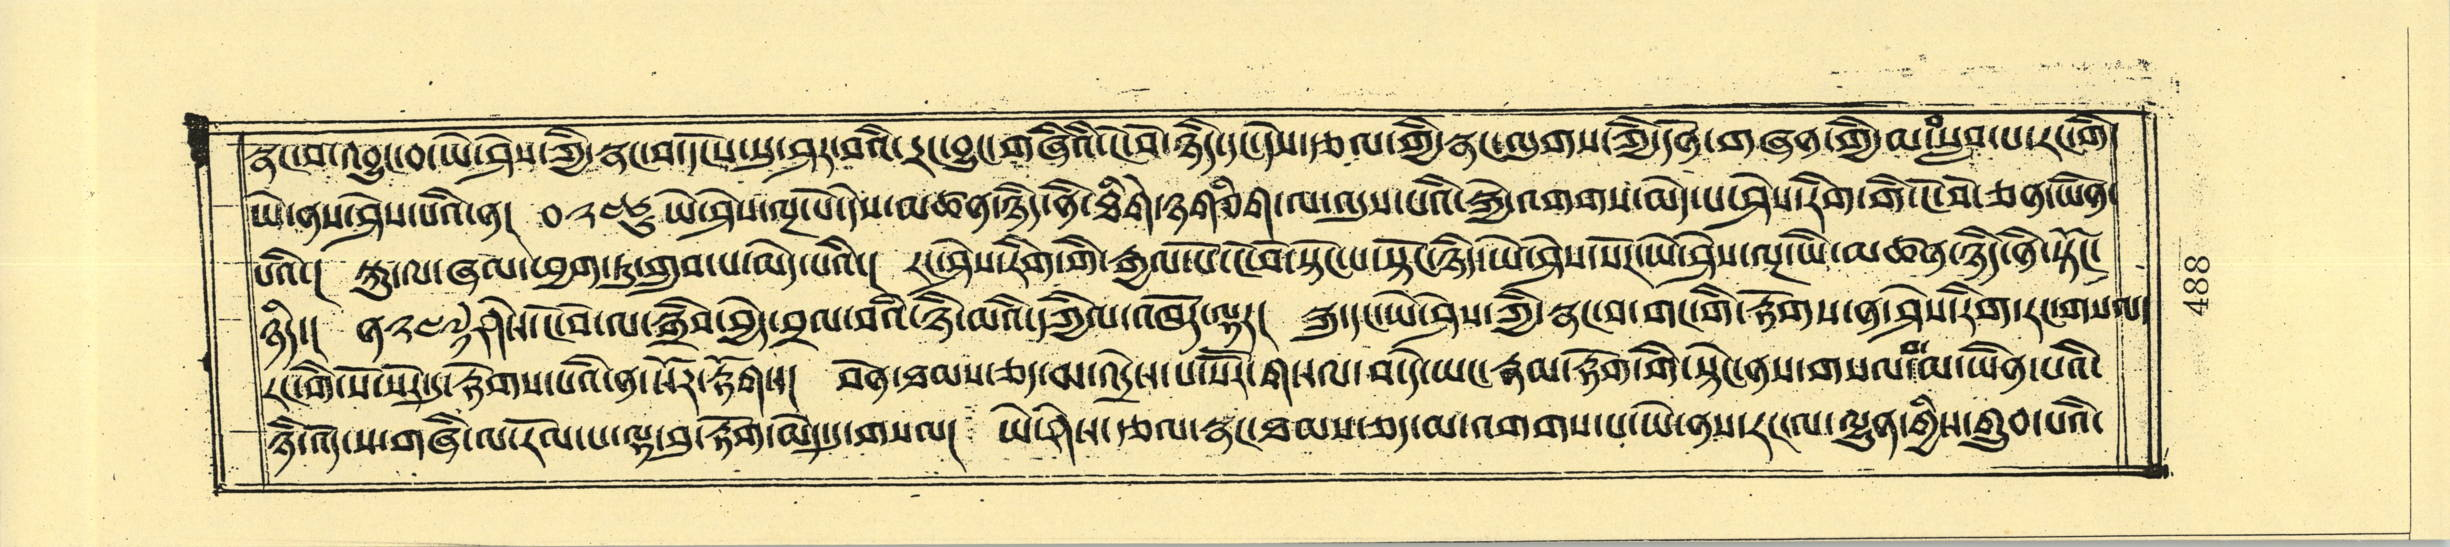སྣང་བ་འབྱུང་བ་ཡེ་ཤེས་ཀྱི་སྣང་བ་དངོས་སུ་ཤར་བའི་རང་བྱུང་གཞིའི་ངོ་བོ་ཉིད་དང་དེའི་རྩལ་གྱི་སྣང་ལུགས་ཀྱི་དོན་གཞན་གྱིས་མ་བསླབས་པ་རང་གིས་
ཡེ་ནས་ཤེས་པས་ན་ བ༢༤༦།༦ཡེ་ཤེས་ལྔ་པོ་དེས་མཚན་ཉིད་ནི་༼ཐིག་ལེ་ཉག་གཅིག་༽ལ་འདུས་པའི་སྐྱེ་འགག་མེད་པ་ཤེས་རིག་གི་ངོ་བོ་ཅན་ཡིན་
པས་ སྐུ་ལ་ཞལ་ཕྱག་ཏུ་གྲུབ་པ་མེད་པའི་ རང་ཤེས་རིག་གི་རྒྱལ་པོ་ངོ་བོ་སྟོང་པ་ཉིད་ཡེ་ཤེས་སོགས་ཡེ་ཤེས་ལྔའི་མཚན་ཉིད་ནི་སྟོང་
ཉིད་ ན༢༤༧།༼ཤེས༽ངོ་བོ་ལ་སྒྲིབ་བྱེད་བྲལ་བའི་ཉི་མའི་དཀྱིལ་འཁོར་ལྟར་ སྐུ་དང་ཡེ་ཤེས་ཀྱི་སྣང་བ་གང་གི་རྟོགས་ན་ཤེས་རིག་རང་གསལ་
རང་གིས་སོ་སོར་དུ་རྟོགས་པས་ན་༼སོར་རྟོགས༽བོན་ཐམས་ཅད་༼མ་འདྲེས་༽པ་སོ་སོར་༼གསལ་༽བ་དེ་ཡང་རྣམ་རྟོག་གི་སྟེང་ནས་གསལ་བ་མ་ཡིན་པའི་
ཉི་འོད་ས་གཞི་ལ་རོལ་པ་ལྟ་བུ་རྟོག་མེད་དུ་གསལ་༼ཡེ་ཤེས༽རྩལ་སྣང་ཐམས་ཅད་མ་འགག་པ་ཡེ་ནས་རང་ལ་༼ལྷུན་གྱིས་གྲུབ་པའི༽